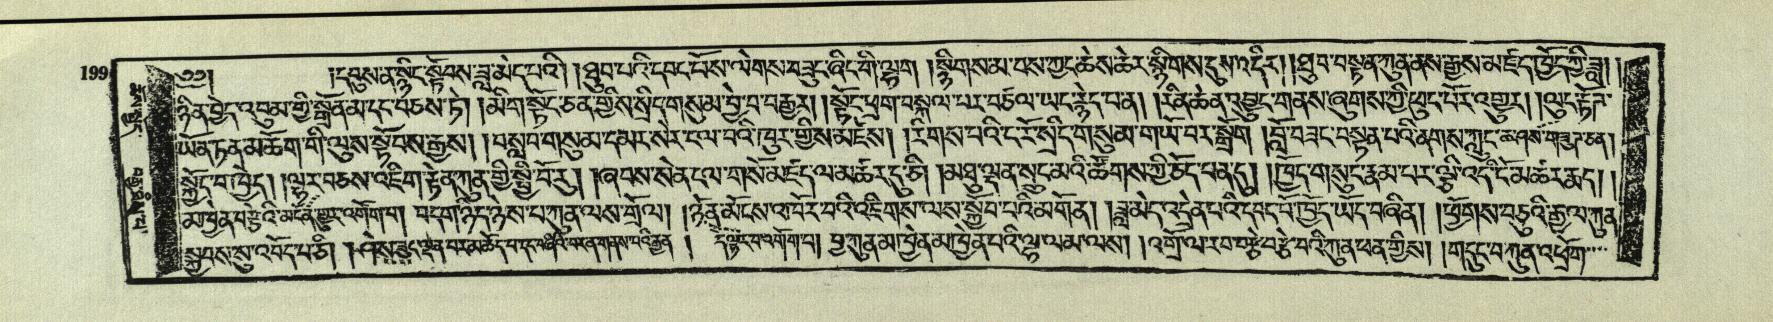༄༅། །དབུས་ན་སྙིང་སྟོབས་ཟླ་མེད་པའི། །ཐུབ་པའི་དབང་པོས་ལེགས་བཟུང་ཞིང་གི་ལྷག །སྙིགས་མ་བས་ཀྱང་ཆེས་ཆེར་སྙིགས་དུས་འདིར། །ཐུབ་བསྟན་ཀུན་ནས་རྒྱས་མཛད་ཁྱོད་ཀྱི་ཟླ། །
ཉིན་བྱེད་འབུམ་གྱི་སྒྲོན་མ་དང་བཅས་ཏེ། །མིག་སྟོང་ཅན་གྱིས་སྲིད་གསུམ་བྱེ་བ་བརྒྱར། །སྟོང་ཕྲག་བསྐལ་པར་བཙལ་ཡང་རྙེད་པ་ན། །རིན་ཆེན་འབྱུང་གནས་ཞུགས་ཀྱི་ཕུང་པོར་འགྱུར། །ལུང་རྟོཌ་
ཡོན་ཏན་མཆོག་གི་ལུས་སྟོབས་རྒྱས། །བསླབ་གསུམ་དམར་སེར་ངལ་བའི་ཁུར་གྱིས་མཛེས། །རིགས་པའི་ང་རོ་སྲིད་གསུམ་གཡོ་བར་སྒྲོག །བློ་བཟང་བསྟན་པའི་ནགས་ཀླུང་ཆ་ཤས་གཟུཌ་ཅན།
སྐྱོང་བ་ཁྱེད། །ལྷར་བཅས་འཇིག་རྟེན་ཀུན་གྱི་སྤྱི་བོ་རུ། །ཞབས་སེན་ངལ་གསོ་མཛད་ལ་མཚར་དུ་ཅི། །མཐུ་ལྡན་སྲུང་མའི་ཚོགས་ཀྱི་ཅོད་པན་དུ། །ཁྱོད་གསུང་རྣམ་པར་ལྕི་འདི་ངོ་མཚར་རྨད། །
མཁྱེན་བརྩེའི་མངོན་གྱུར་འགོག་པ། བདག་ཉིད་ཉེས་པ་ཀུན་ལས་གྲོལ། །ཉོན་མོངས་འཁོར་བའི་འཇིགས་ལས་སྐྱོབ་པའི་མགོན། །ཟླ་མེད་འདྲེན་པའི་དབང་པོ་ཁྱོད་ཡོད་བཞིན། །ཕྱོགས་བཅུའི་རྒྱལ་ཀུན་
སྐྱབས་སུ་འབོད་པ་ཅི། །ཤེས་ཟུང་ལྡན་པར་མཆོད་པ་དང་བཞིའི་བར་ན་གནས་པའི་རྒྱན་། དེ་ལྟར་བ་འགོག་པ། བྱ་ཀུན་མཁྱེན་པའི་ལྷ་ལམ་ལས། །འགྲོ་ལ་རབ་བརྩེ་བརྩེ་བའི་ཀུན་ཕན་གྱིས། །གདུང་བ་ཀུན་འཕྲོག་